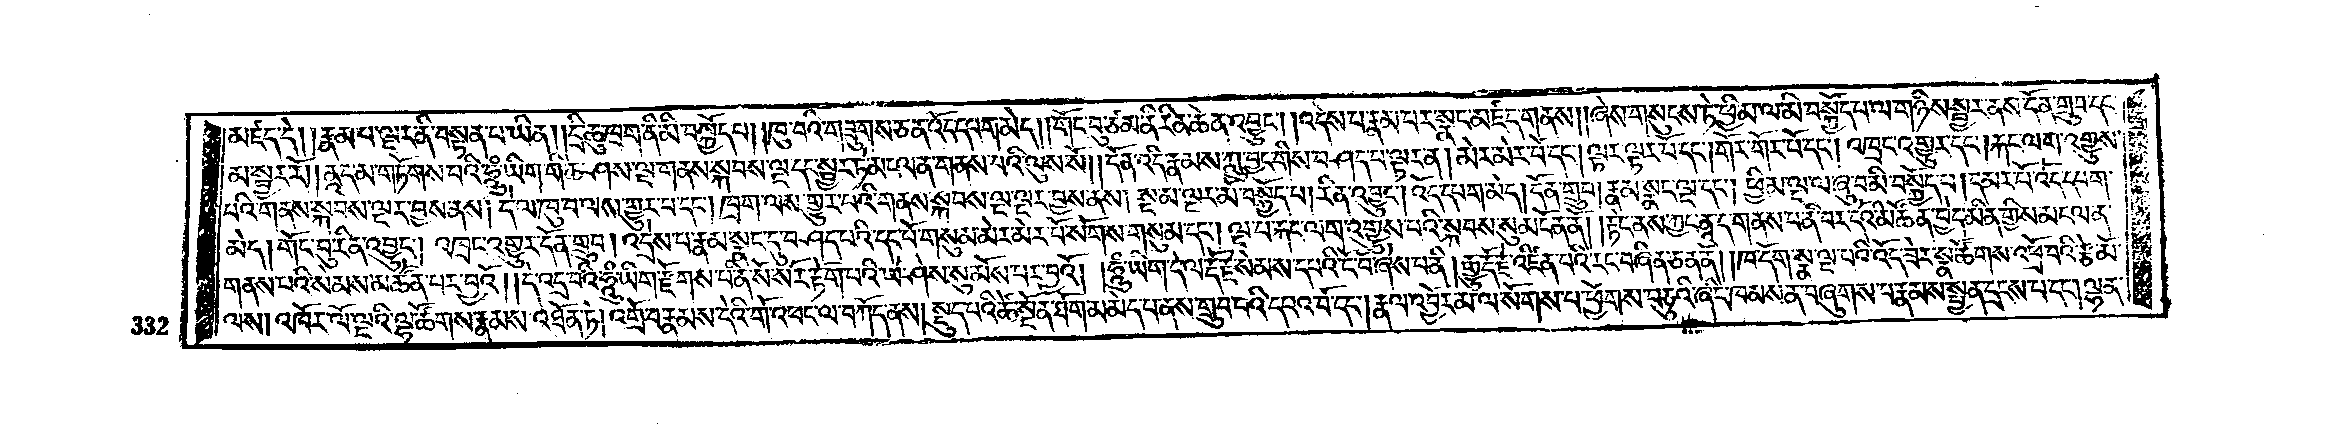མཛད་དེ། །རྣམ་པ་ལྔར་ནི་བསྟན་པ་ཡིན། །དྲི་ཆུ་ཁྲག་ནི་མི་བསྐྱོད་པ། །ཁུ་བའི་གཟུགས་ཅན་འོད་དཔག་མེད། །གོང་བུ་ཙམ་ནི་རིན་ཆེན་འབྱུང་། །འདྲེས་པ་རྣམ་པར་སྣང་མཛད་གནས། །ཞེས་གསུངས་ཏེ་ཕྱི་མ་ལ་མི་བསྐྱོད་པ་ལ་གཉིས་སྦྱར་ནས་དོན་གྲུབ་དང་
མ་སྦྱར་རོ། །ནཱ་ད་མ་གཏོགས་པའི་ཧཱུཾ་ཡིག་གི་ཆ་ཤས་ལྔ་གནས་སྐབས་ལྔ་དང་སྦྱར་ཏེ་མངལ་ན་གནས་པའི་ལུས་སོ། །དོན་འདི་རྣམས་ཀླུ་བྱང་གིས་བཤད་པ་ལྟར་ན། མེར་མེར་པོ་དང་། ལྟར་ལྟར་པོ་དང་། གོར་གོར་པོ་དང་། འཁྲང་འགྱུར་དང་། རྐང་ལག་འགྱུས་
པའི་གནས་སྐབས་ལྔར་བྱས་ནས། དེ་ལ་ཁུ་བ་ལས་གྱུར་པ་དང་། ཁྲག་ལས་གྱུར་པའི་གནས་སྐབས་ལྔ་ལྔར་བྱས་ནས། སྔ་མ་ལྔར་མི་བསྐྱོད་པ། རིན་འབྱུང་། འོད་དཔག་མེད། དོན་གྲུབ། རྣམ་སྣང་ལྔ་དང་། ཕྱི་མ་ལྔ་ལ་ཞུ་བ་མི་བསྐྱོད་པ། དམར་པོ་འོད་དཔག་
མེད། གོང་བུ་རིན་འབྱུང་། འཁྲང་འགྱུར་དོན་གྲུབ། འདྲེས་པ་རྣམ་སྣང་དུ་བཤད་པའི་དང་པོ་གསུམ་མེར་མེར་པོ་སོགས་གསུམ་དང་། ལྔ་པ་རྐང་ལག་འགྱུས་པའི་སྐབས་སུ་མངོན་ནོ། །རྟེང་ནས་ཀྱང་ནཱ་ད་གནས་པ་ནི་བར་དོའི་མཚོན་བྱེད་མིན་གྱིས་མངལ་ན་
གནས་པའི་སེམས་མཚོན་པར་བྱའོ། །དེ་འདྲ་བའི་ཧཱུཾ་ཡིག་རྫོགས་པ་ནི་སོ་སོར་རྟོག་པའི་ཡེ་ཤེས་སུ་མོས་པར་བྱའོ། །ཧཱུཾ་ཡིག་དེ་ལ་རྡོ་རྗེ་སེམས་དཔའི་ངོ་བོ་ཞེས་པ་ནི། རྒྱུ་རྡོ་རྗེ་འཛིན་པའི་རང་བཞིན་ཅན་ནོ། །ཁ་དོག་སྣ་ལྔ་པའི་འོད་ཟེར་སྣ་ཚོགས་འཕྲོ་བའི་རྩེ་མོ་
ལས། འཁོར་ལོ་ལྔའི་ལྷ་ཚོགས་རྣམས་འཐོན་ཏེ། འགྲོ་བ་རྣམས་།དེའི་གོ་འཕང་ལ་བཀོད་ནས། སྡུད་པའི་ཚེ་སྔོན་ཐོག་མ་མེད་པ་ནས་གྲུབ་པའི་དཔའ་བོ་དང་། རྣལ་འབྱོར་མ་ལ་སོགས་པ་ཕྱོགས་བཅུའི་ཞིང་ཁམས་ན་བཞུགས་པ་རྣམས་སྤྱན་དྲངས་པ་དང་། ལྷན་